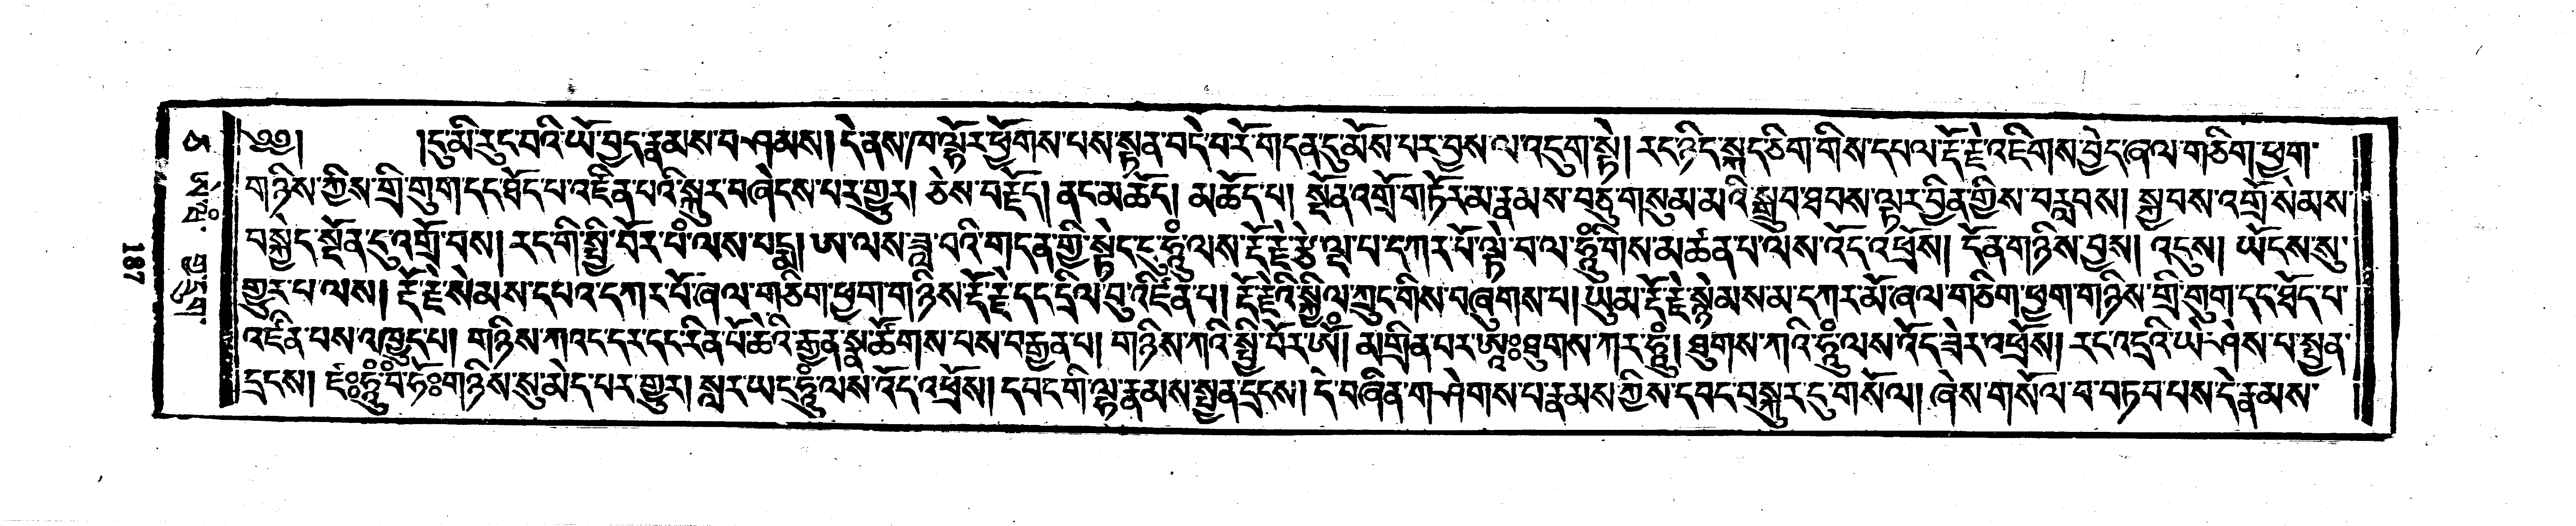༄༅། །དུ་མི་རུང་བའི་ཡོ་བྱད་རྣམས་བཤམས། དེ་ནས་ཁ་ལྷོར་ཕྱོགས་པས་སྟན་བདེ་བ་རོ་གདན་དུ་མོས་པར་བྱས་ལ་འདུག་སྟེ། རང་ཉིད་སྐད་ཅིག་གིས་དཔལ་རྡོ་རྗེ་འཇིགས་བྱེད་ཞལ་གཅིག་ཕྱག་
གཉིས་ཀྱིས་གྲི་གུག་དང་ཐོད་པ་འཛིན་པའི་སྐུར་བཞེངས་པར་གྱུར། ཅེས་བརྗོད། ནང་མཆོད། མཆོད་པ། སྔོན་འགྲོ་གཏོར་མ་རྣམས་བཅུ་གསུམ་མའི་སྒྲུབ་ཐབས་ལྟར་བྱིན་གྱིས་བརླབས། སྐྱབས་འགྲོ་སེམས་
བསྐྱེད་སྔོན་དུ་འགྲོ་བས། རང་གི་སྤྱི་བོར་པཾ་ལས་པདམ། ཨ་ལས་ཟླ་བའི་གདན་གྱི་སྟེང་དུ་ཧཱུཾ་ལས་རྡོ་རྗེ་རྩེ་ལྔ་པ་དཀར་པོ་ལྟེ་བ་ལ་ཧཱུཾ་གིས་མཚན་པ་ལས་འོད་འཕྲོས། དོན་གཉིས་བྱས། འདུས། ཡོངས་སུ་
གྱུར་པ་ལས། རྡོ་རྗེ་སེམས་དཔའ་དཀར་པོ་ཞལ་གཅིག་ཕྱག་གཉིས་རྡོ་རྗེ་དང་དྲིལ་བུ་འཛིན་པ། རྡོ་རྗེའི་སྐྱིལ་ཀྲུང་གིས་བཞུགས་པ། ཡུམ་རྡོ་རྗེ་སྙེམས་མ་དཀར་མོ་ཞལ་གཅིག་ཕྱག་གཉིས་གྲི་གུག་དང་ཐོད་པ་
འཛིན་པས་འཁྱུད་པ། གཉིས་ཀའང་དར་དང་རིན་པོ་ཆེའི་རྒྱན་སྣ་ཚོགས་པས་བརྒྱན་པ། གཉིས་ཀའི་སྤྱི་བོར་ཨོཾ། མགྲིན་པར་ཨཱཿ ཐུགས་ཀར་ཧཱུཾ། ཐུགས་ཀའི་ཧཱུཾ་ལས་འོད་ཟེར་འཕྲོས། རང་འདྲའི་ཡེ་ཤེས་པ་སྤྱན་
དྲངས། ཛཿ ཧཱུཾ་བཾ་ཧོཿ གཉིས་སུ་མེད་པར་གྱུར། སླར་ཡང་ཧཱུཾ་ལས་འོད་འཕྲོས། དབང་གི་ལྷ་རྣམས་སྤྱན་དྲངས། དེ་བཞིན་གཤེགས་པ་རྣམས་ཀྱིས་དབང་བསྐུར་དུ་གསོལ། ཞེས་གསོལ་བ་བཏབ་པས་དེ་རྣམས་